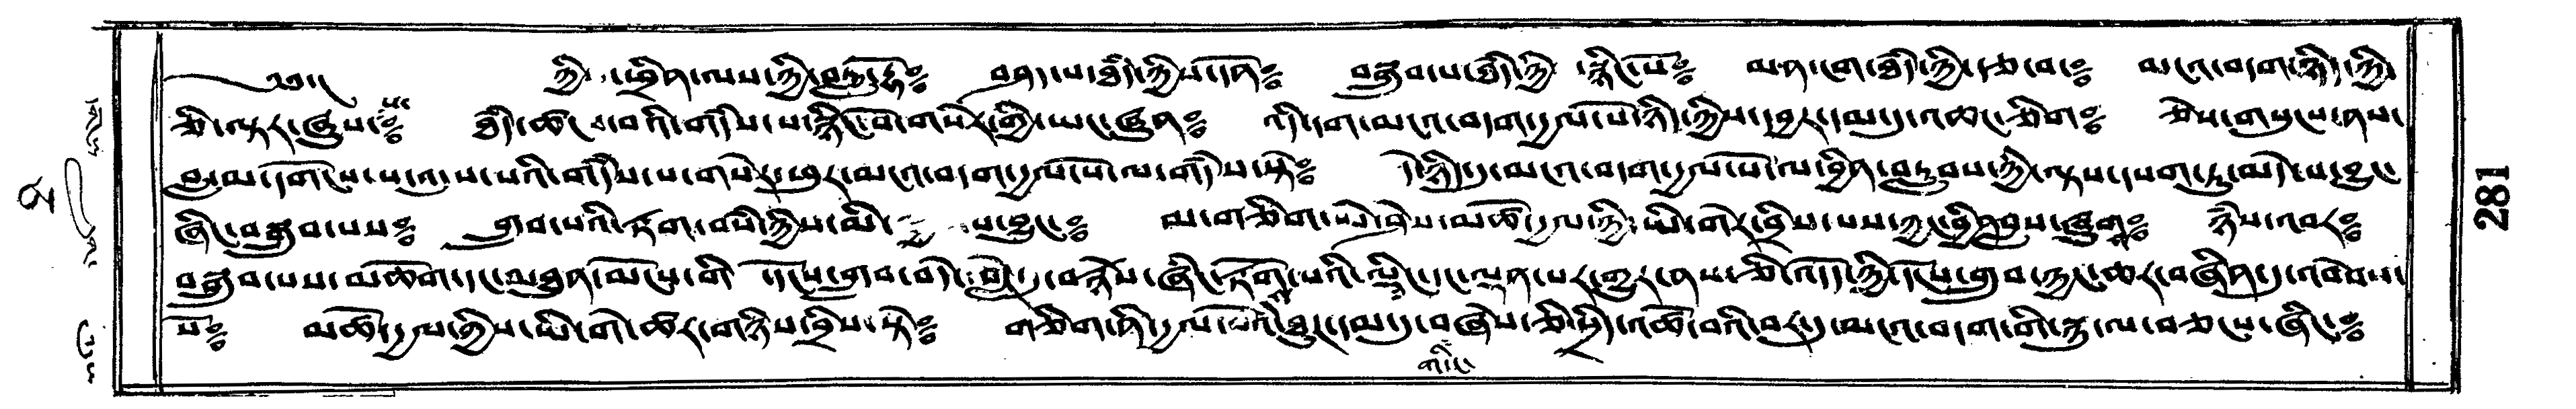༄༅། ཀྱི་ཕྲིན་ལས་ཀྱི་བླ་རྡོ༔ བཤད་པ་ཐམས་ཅད་ཀྱི་དོན༔ སྒྲུབ་པ་ཐམས་ཅད་ཀྱི་སྙིང་པོ༔ མན་ངག་ཐམས་ཅད་ཀྱི་རྩ་བ༔ མངའ་བདག་ཉིད་ཀྱིས་
ཇི་ལྟར་ཞུས་པ༔ ཐམས་ཅད་ཚང་བའི་གདམས་པ་སྙིང་པོ་གསེར་གྱི་ཡང་ཞུན༔ འདི་དག་མངའ་བདག་རྒྱལ་པོ་ཉིད་ཀྱིས་གཡར་དམ་དུ་ཆོངས་ཤིག༔ ཅེས་གསུངས་ནས་
བླ་མ་དགོངས་པ་འདུས་པའི་གདམས་པ་གསེར་ཕུར་མངའ་བདག་རྒྱལ་པོ་ལ་གདམས་ཏེ༔ དེ་ཉིད་དུ་མངའ་བདག་རྒྱལ་པོ་ལ་བྱིན་རླབས་ཀྱི་ལྟས་དཔག་ཏུ་མེད་པ་བྱུང་
ཞིང་བསྒྲུབས་པས༔ གྲུབ་པའི་རྟགས་བསམ་གྱིས་མི་བྱུང༔ མ་གཅིག་ཡེ་ཤེས་མཚོ་རྒྱལ་གྱིས་ཡི་གེར་བྲིས་པས་ཀྱང་བྱིན་རླབས་ཞུགས༔ ཉམས་འབར༔ 
བསྒྲུབས་པས་མཆོག་དང་མཐུན་མོང་གི་དངོས་གྲུབ་བདེ་བླག་ཏུ་བརྙེས་ཞིང་རྟོགས་པའི་གདིང་དང་ལྡན་པར་གྱུར་ནས་ཅི་འདོད་ཀྱི་དངོས་གྲུབ་ཀྱང་ཆར་བཞིན་དུ་བབས་
སོ༔ མཚོ་རྒྱལ་ཀྱིས་ཡི་གེ་ཚར་གཉིས་བྲིས་སྟེ༔ གཅིག་ནི་རྒྱལ་པོའི་ཐུགས་དམ་དུ་བཞེས༔ ཇི་སྲིད་འཚོ་བའི་བར་དུ་མངའ་བདག་གི་སྐུ་ལ་བཅངས་ཤིང༔